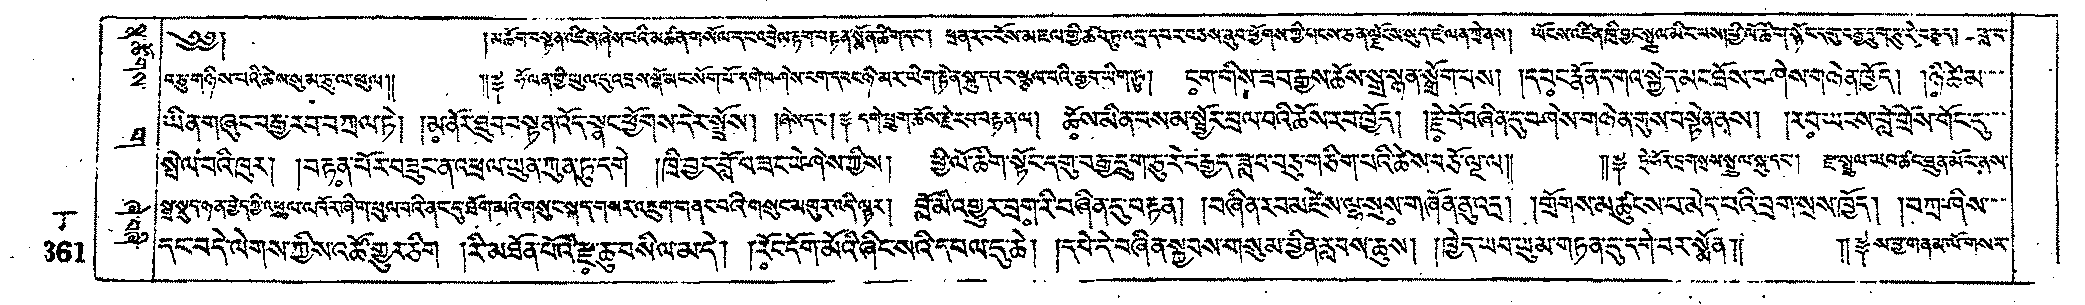༄༅། །མཆོག་བསྟན་འཛིན་ཞེས་པའི་མཚན་གསོལ་དང་འབྲེལ་རྟག་བརྟན་སྨོན་ཚིག་དང་། ཕྲན་རང་ངོས་མཇལ་གྱི་ཚ་དུ་འདྲ་དཔར་བཅས་ནུབ་ཕྱོགས་ཀྱི་གངས་ཅན་ལྗོངས་སུད་ཛ་ལན་ཀྲེ་ནས། ཡོངས་འཛིན་བྱང་སྤྲུལ་མིང་པས་ཕྱི་ལོ་ཆིག་སྟོང་དགུ་བརྒྱ་དྲུག་ཅུ་རེ་བརྒྱད། ཟླ་བ་
བཅུ་གཉིས་པའི་ཚེས་སུམ་ཅུ་ལ་ཕུལ།། །། འ་ཧོ་ལན་གྱི་ཡུལ་དུ་འབྲས་སྒོ་མང་སོག་པོ་དགེ་བཤེས་ངག་དབང་ཉི་མར་ཡིག་རྟེན་སྐུ་དཔར་སྩལ་བའི་རྒྱབ་ཡིག་ཏུ། ངག྾་གིས་ཟབ་རྒྱས་ཆོས་སྒྲ་སྙན་སྒྲོག་པས། །དབང྾་རྣོན་དགའ་སྐྱེད་མང་ཐོས་བཤེས་གཉེན་ཁྱོད། །ཉི྾་ཚེཾ་་་
ཡིན་གཞུང་བརྒྱ་རབ་བཀྲལ་ཏེ། །མ྾་ནོར་ཐུབ་བསྟན་འོད་སྣང་ཕྱོགས་དེར་སྤྲོས། །ཞེས་དང་། འ་དགེ་ཕྲུག་ཆོས་རྗེ་རབ་བརྟན་ལ།  ཆོས྾་མེན་བསམ་སྦྱོར་བྲལ་བའི་ཆོས་རབ་ཁྱོད། །རྗེ྾་བོ་བཞིན་དུ་བཤེས་གཉེན་གུས་བསྟེན་ནས། །རབ྾་ཡངས་ལོ་གྲོས་གོང་དུ་་་
སྤེལ་བའི་ཁུར། །བརྟན྾་པོར་བཟུང་ན་འཕྲལ་ཡུན་ཀུན་ཏུ་དགེ །ཁྲི་བྱང་བློ་ཟང་ཡེ་ཤེས་ཀྱིས། ཕྱི་ལོ་ཆིག་སྟོང་དགུ་བརྒྱ་དྲུག་ཅུ་རེ་བརྒྱད་ཟླ་བ་བཅུ་གཅིག་པའི་ཚེས་བཅོ་ལྔ་ལ།། །། འ་ཏྲེ་ཧོར་བྲག་སྲས་སྤྲུལ་སྐུ་དང་། རྫ་སྤྲུལ་ཡབ་ཚང་ཐུན་མོང་ནས་
སྒྲ་སྡུད་ཉན་བྱེད་ཀྱི་འཕྲུལ་འཁོར་ཞིག་ཕུལ་བའི་ནང་དུ་ཐོག་མའི་གསུང་སྐད་གསར་འཇུག་གནང་བའི་གསུང་མགུར་འདི་ལྟར། བློ་མི་འགྱུར་བྲག྾་རི་བཞིན་དུ་བརྟན། །བཞིན་ར་མཛེས་ལྷ་སྲས྾་གཞོན་དུ་འདྲ། །གྲོགས་མཚུངས་པ་མེད་པའི་བྲག་སྲས་ཁྱོད། །བཀྲ་ཤིས་་་
དང་བདེ་ལེགས་ཀྱིས་འཚོ་གྱུར་ཅིག །རི་མཐོན་པོའི་རྫ྾་ཆུ་བསིལ་མ་དེ། །རིང྾་དོག་མོའི་ཞིང་སའི་དཔལ་དུ་ཆེ། །དཔེ་དེ་བཞིན་སྐྱབས་གསུམ་བྱིན་རླབས་ཆུས། །ཁྱེད་ཡབ་ཡུམ་གཏན་དུ་དགེ་བར་སྨོན།། །། འ་ས་བྱ་གནམ་ལོ་གསར